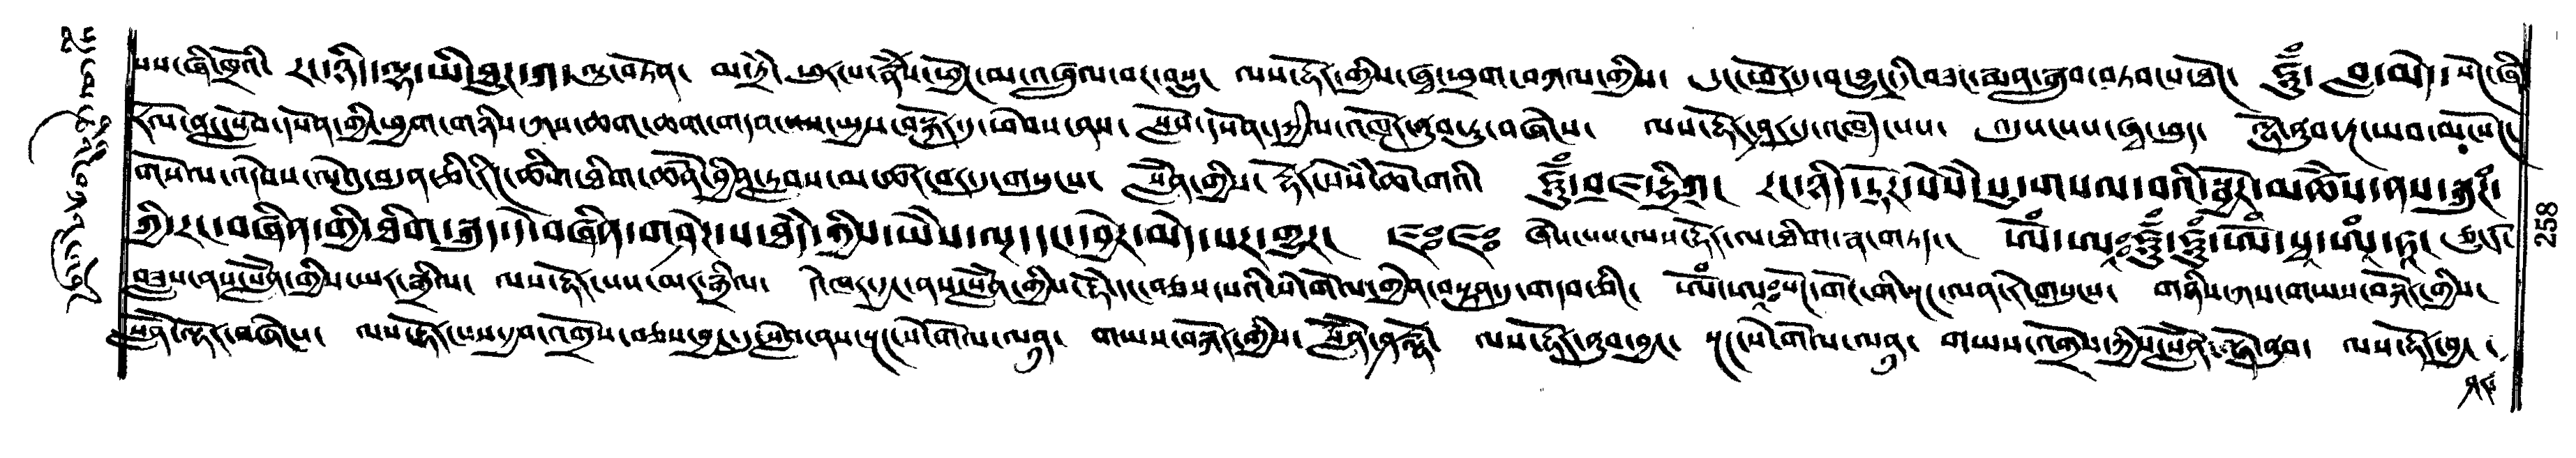པས་ཞི་ཁྲོའི། རང་ཉིད་ལྷ་ཡི་ཐུགས་ཀ༴ ལྟ་བུ་གདཽན། མ་ཏྲཾ་དང་ཕུར་པ་རྣམས་ཕྱོགས་མ་འཁྲུལ་བར་བསྡུ། ལས་རྡོར་ནས་ཞྭ་ཕྲག་བཀལ་གྱིས། དུང་ཕོར་དུ་བ་བྱུང་དྲི་བཟང་སྨན་སྒྲུབ་བཏབ་པ་ཐོགས། ཧཱུྃ༔ བླ་མེད༴ སོགས་ཞི་
རོལ་ནང་སློབ་དཔོན་གྱིས་ཕྱག་གཉིས་ཀས་ཆག་ཆག་གདབ་གཡས་སྐོར་དུ་ཕེབས་ནས། སློབ་དཔོན་དཀྱིལ་འཁོར་ནུབ་ཏུ་བཞེངས་ཤིང་ལས་རྡོར་ཤར་དུ་འཁོད་པས། འདུས་པས་ཞྭ་ཕུད། ལྷོ་ནུབ་རྔ་ཡབ༴ སོགས་
གསོལ་འདེབས་ལེའུ་བདུན་ཅི་རིགས་ཐིག་ཚོན་བྱིན་རླབས་མ་ཚར་བར་དུ་གསུང་། སློབ་དཔོན་གྱིས་རྡོར་སེམས་ཆོ་གའི། ཧཱུྃ་བཛྲ་དྷྲིཀཱ། རང་ཉིད་རྡོར་སེམས་སུ་གསལ་བའི་སྦྱོར་མཚམས་ནས་སྐུ་གསུང་ཐུགས་
ཀྱི་རང་བཞིན་གྱི་ཐིག་སྐུད་དེ་བཞིན་གཤེགས་པ་ཐམས་ཅད་ཀྱིས་ཡེ་ཤེས་ལྔ་དང་དབྱེར་མེད་པར་གྱུར། ཛཿཛཿ ཞེས་པས་ལས་རྡོར་ལ་ཐིག་སྣ་གཏད། ཨོཾ་ཨཱཿཧཱུྃ་ཧཱུྃ། ཨོཾ་སྭ་ཨཱཾ་ཧཱཿ ཅུང་ཟད་
བཟླས་ནས་སློབ་དཔོན་གྱིས་ཡར་བསྒྲིལ། ལས་རྡོར་པས་མར་བསྒྲིལ། དེ་ཁར་རྒྱང་ནས་སློབ་དཔོན་གྱིས་རྡོ་རྗེ་དང་བཅས་པའི་སེ་གོལ་གྱེན་བསྟན་དུ་གདབ་ཅིང་། ཨོཾ་ཨཱཿ སོགས་གོང་གི་སྔགས་ལན་རེ་གསུང་། གཉིས་ཀས་གཡས་བསྐོར་གྱིས་
སློབ་དཔོན་ལྷོར་བཞེངས། ལས་རྡོར་པས་རྒྱབ་འགྲོས་བཅས་བྱང་དུ་སླེབ་ནས་སྔགས་སེ་གོལ་ལན་གཅིག གཡས་བསྐོར་གྱིས་སློབ་དཔོན་ཤར་ལྷོ། ལས་རྡོར་ནུབ་བྱང་། སྔགས་སེ་གོལ་ལན་གཅིག གཡས་འགྲོས་ཀྱིས་སློབ་དཔོན་ལྷོ་ནུབ། ལས་རྡོར་བྱང་ཤར།